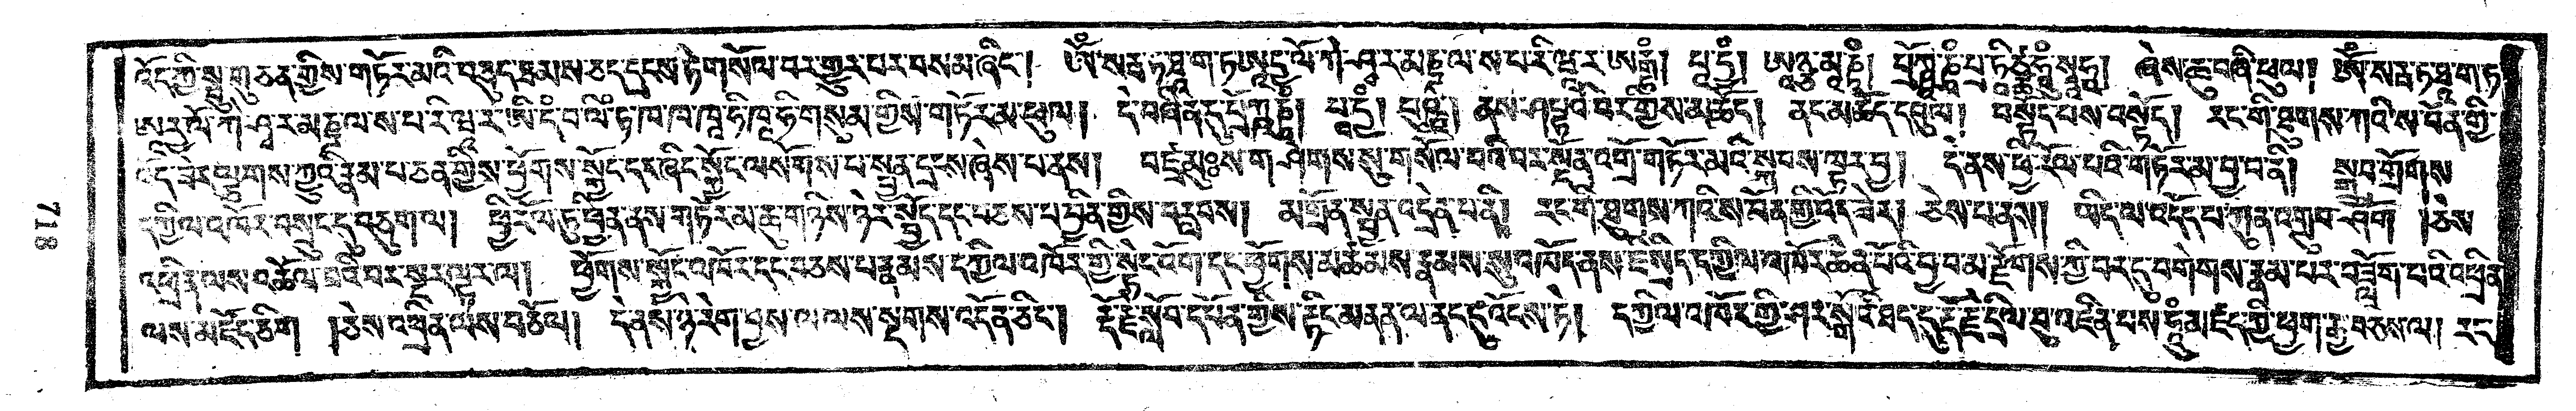འོད་ཀྱི་སྦུ་གུ་ཅན་གྱིས་གཏོར་མའི་བཅུད་ཐམས་ཅད་དྲངས་ཏེ་གསོལ་བར་གྱུར་པར་བསམ་ཞིང་། ཨོཾ་སརྦ་ཏ་ཐཱ་ག་ཏ་ཨཱདྱ་ལོ་ཀེ་ཤྭ་ར་མཎྜ་ལ་ས་པ་རི་ཝཱ་ར་ཨརྒྷཾ། པཱ་དྱཾ། ཨཱཉྩ་མཱ་ཎཱཾ། པྲོཀྵཱ་ཎཱཾ་པྲ་ཏཱིཙྪ་ཧཱུཾ་སྭཱཧཱ། ཞེས་ཆུ་བཞི་ཕུལ། ཨོཾ་སརྦ་ཏ་ཐཱ་ག་ཏ་
ཨཱརྱ་ལོ་ཀེ་ཤྭ་ར་མཎྜལ་ལ་ས་པ་རི་ཝཱ་ར་ཨི་དཾ་བ་ལིཾ་ཏ་ཁ་ཁ་ཁཱ་ཧི་ཁཱ་ཧི་གསུམ་གྱིས་གཏོར་མ་ཕུལ། དེ་བཞིན་དུ་པྲོཀྵཎཱཾ། པཱདྱཾ། པུཥཔེ། ནས་ཤཔྟའི་བར་གྱིས་མཆོད། ནང་མཆོད་དབུལ། བསྟོད་པས་བསྟོད། རང་གི་ཐུགས་ཀའི་ས་བོན་གྱི་
འོད་ཟེར་ལྕགས་ཀྱུའི་རྣམ་པ་ཅན་གྱིས་ཕྱོགས་སྐྱོང་དང་ཞིང་སྐྱོང་ལ་སོགས་པ་སྤྱན་དྲངས་ཞེས་པ་ནས། བཛྲ་མུཿ ས་གཤེགས་སུ་གསོལ་བའི་བར་སྔོན་འགྲོ་གཏོར་མའི་སྐབས་ལྟར་བྱ། དེ་ནས་ཕྱི་རོལ་པའི་གཏོར་མ་བྱ་བ་ནི། སྒྲུབ་གྲོགས་
དཀྱིལ་འཁོར་བསྲུང་དུ་བཅུག་ལ། ཕྱི་རོལ་ཏུ་ཕྱིན་ནས་གཏོར་མ་ཆུ་གཉིས་ཉེར་སྤྱོད་དང་བཅས་པ་བྱིན་གྱིས་བརླབས། མགྲོན་སྤྱན་འདྲེན་པ་ནི། རང་གི་ཐུགས་ཀའི་ས་བོན་གྱི་འོད་ཟེར། ཅེས་པ་ནས། ཡིད་ལ་འདོད་པ་ཀུན་འགྲུབ་ཤོག །ཅེས་
འཕྲིན་ལས་འཆོལ་བའི་བར་སྔར་ལྟར་ལ། ཕྱོགས་སྐྱོང་འཁོར་དང་བཅས་པ་རྣམས་དཀྱིལ་འཁོར་གྱི་སྟེང་འོག་དང་ཕྱོགས་མཚམས་རྣམས་སུ་འཁོད་ནས་ཇི་སྲིད་དཀྱིལ་འཁོར་ཆེན་པོའི་བྱ་བ་མ་རྫོགས་ཀྱི་བར་དུ་བགེགས་རྣམ་པར་བཟློག་པའི་འཕྲིན་
ལས་མཛོད་ཅིག །ཅེས་འཕྲིན་ལས་བཅོལ། དེ་ནས་ཉེ་རེག་བྱས་ལ་ལས་སྔགས་འདོན་ཅིང་། རྡོ་རྗེ་སློབ་དཔོན་གྱིས་རྟིང་མནན་ལ་ནང་དུ་འོངས་ཏེ། དཀྱིལ་འཁོར་གྱི་ཤར་སྒོའི་ཐད་དུ་རྡོ་རྗེ་དྲིལ་བུ་འཛིན་པས་ཧཱུཾ་མཛད་ཀྱི་ཕྱག་རྒྱ་བཅས་ལ། རང་